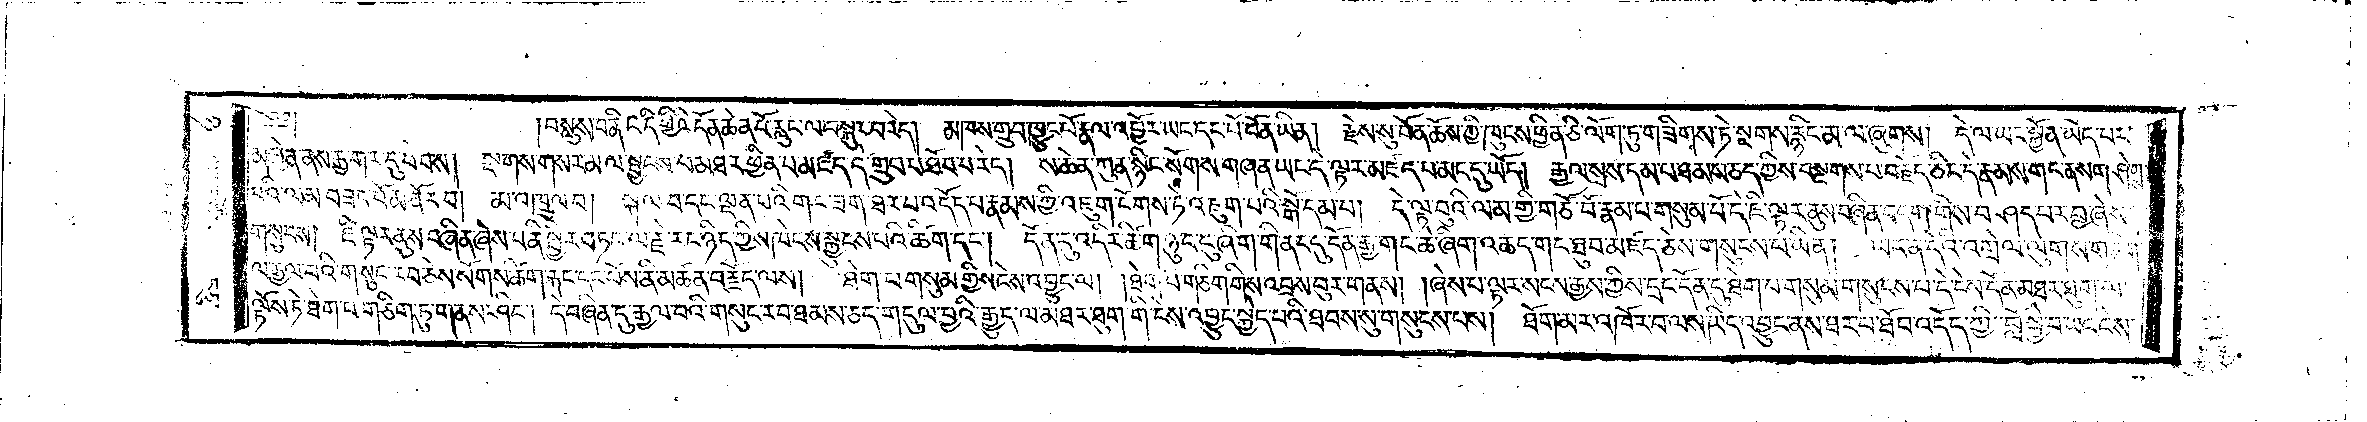༄༅། །བསླུས་པ་ནི་འདི་ཕྱིའི་དོན་ཆེན་པོ་རླུང་ལ་བསྐུར་བ་རེད། མཁས་གྲུབ་ཁྱུང་པོ་རྣལ་འབྱོར་ཡང་དང་པོ་བོན་ཡིན། རྗེས་སུ་བོན་ཆོས་ཀྱི་ཁུངས་ཕྱིན་ཅི་ལོག་ཏུ་གཟིགས་ཏེ་སྔགས་རྙིང་མ་ལ་ཞུགས། དེ་ལ་ཡང་སྐྱོན་ཡོད་པར་
མཁྱེན་ནས་རྒྱ་གར་དུ་ཕེབས། སྔགས་གསར་མ་ལ་སྦྱངས་པ་མཐར་ཕྱིན་པ་མཛད་དེ་གྲུབ་པ་ཐོབ་པ་རེད། ས་ཆེན་ཀུན་སྙིང་སོགས་གཞན་ཡང་དེ་ལྟར་མཛད་པ་མང་དུ་ཡོད། རྒྱལ་སྲས་དམ་པ་ཐམས་ཅད་ཀྱིས་བསྔགས་པ་བརྗོད་ཅིང་དེ་རྣམས་གང་ནས་གཤེགས་
པའི་ལམ་བཟང་པོ་མ་ནོར་བ། མ་འཁྲུལ་བ། སྐལ་བ་དང་ལྡན་པའི་གང་ཟག་ཐར་པ་འདོད་པ་རྣམས་ཀྱི་འཇུག་ངོགས་ཏེ་འཇུག་པའི་སྒོ་དམ་པ། དེ་ལྟ་བུའི་ལམ་གྱི་གཙོ་བོ་རྣམ་པ་གསུམ་པོ་དེ་ཇི་ལྟར་ནུས་བཞིན་བདག་གིས་བཤད་པར་བྱ་ཞེས་
གསུངས། ཇི་ལྟར་ནུས་བཞིན་ཞེས་པ་ནི་སྤྱིར་བཏང་ལ་རྗེ་རང་ཉིད་ཀྱིས་ཁེངས་སྐྱུངས་པའི་ཚིག་དང་། དོན་དུ་འདིར་ཚིག་ཉུང་ངུ་ཞིག་གི་ནང་དུ་དོན་རྒྱ་གང་ཆེ་ཞིག་འཆད་གང་ཐུབ་མཛད་ཅེས་གསུངས་པ་ཡིན། ཡང་ན་དེའི་འགྲེལ་ལུགས་གཅིག་
ལ་རྒྱལ་བའི་གསུང་རབ་ཅེས་སོགས་ཚིག་རྐང་དང་པོས་ནི་མཚན་བརྗོད་ལས། ཐེག་པ་གསུམ་གྱིས་ངེས་འབྱུང་ལ། །ཐེག་པ་གཅིག་གིས་འབྲས་བུར་གནས། །ཞེས་པ་ལྟར་སངས་རྒྱས་ཀྱིས་དྲང་དོན་དུ་ཐེག་པ་གསུམ་གསུངས་པ་དེ་ངེས་དོན་མཐར་ཐུག་ལ་
ལྟོས་ཏེ་ཐེག་པ་གཅིག་ཏུ་གནས་ཤིང་། དེ་བཞིན་དུ་རྒྱལ་བའི་གསུང་རབ་ཐམས་ཅད་གདུལ་བྱའི་རྒྱུད་ལ་མཐར་ཐུག་གི་ངེས་འབྱུང་སྐྱེད་པའི་ཐབས་སུ་གསུངས་པས། ཐོག་མར་འཁོར་བ་ལས་ཡིད་འབྱུང་ནས་ཐར་པ་ཐོབ་འདོད་ཀྱི་བློ་སྐྱེ་བ་ཡང་ངེས་